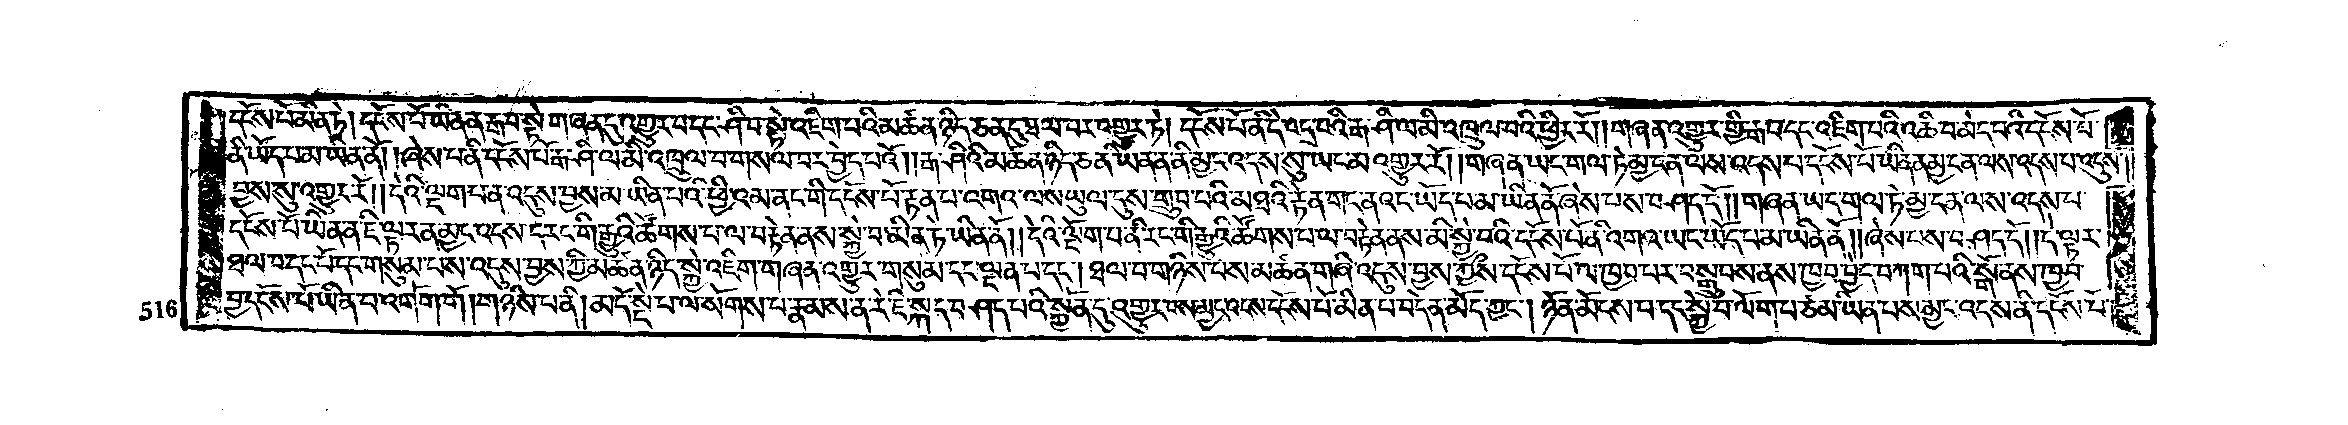དངོས་པོ་མིན་ཏེ། དངོས་པོ་ཡིན་ན་རྒ་བ་སྟེ་གཞན་དུ་འགྱུར་བ་དང་ཤི་བ་སྟེ་འཇིག་པའི་མཚན་ཉིད་ཅན་དུ་ཐལ་བར་འགྱུར་ཏེ། དངོས་པོ་ནི་དེ་འདྲ་བའི་རྒ་ཤི་ལ་མི་འཁྲུལ་པའི་ཕྱིར་རོ། །གཞན་འགྱུར་གྱི་རྒབ་དང་འཇིག་པའི་འཆི་བ་མེད་པའི་དངོས་པོ་
ནི་ཡོད་པ་མ་ཡིན་ནོ། །ཞེས་པ་ནི་དངོས་པོ་རྒ་ཤི་ལ་མི་འཁྲུལ་བ་གསལ་བར་བྱེད་པའོ། །རྒ་ཤིའི་མཚན་ཉིད་ཅན་ཡིན་ན་ནི་མྱང་འདས་སུ་ཡང་མི་འགྱུར་རོ། །གཞན་ཡང་གལ་ཏེ་མྱ་ངན་ལས་འདས་པ་དངོས་པོ་ཡིན་ན་མྱ་ངན་ལས་འདས་པ་འདུས་
བྱས་སུ་འགྱུར་རོ། །དེའི་ལྡོག་པ་ནི་འདུས་བྱས་མ་ཡིན་པའི་ཕྱི་འམ་ནང་གི་དངོས་པོ་རྟན་པ་འགའ་ལས་ཡུལ་དུས་གྲུབ་པའི་མཐའི་རྟེན་གང་ནའང་ཡོད་པ་མ་ཡིན་ནོ་ཞེས་པས་བཤད་དོ། །གཞན་ཡང་གལ་ཏེ་མྱ་ངན་ལས་འདས་པ་
དངོས་པོ་ཡིན་ན་ཇི་ལྟར་ན་མྱང་འདས་དེ་རང་གི་རྒྱུའི་ཚོགས་པ་ལ་བརྟེན་ནས་སྐྱེ་བ་མིན་ཏེ་ཡིན་ནོ། །དེའི་ལྡོག་པ་ནི་རང་གི་རྒྱུའི་ཚོགས་པ་ལ་བརྟེན་ནས་མི་སྐྱེ་བའི་དངོས་པོ་ནི་འགའ་ཡང་ཡོད་པ་མ་ཡིན་ནོ། །ཞེས་པས་བཤད་དོ། །དེ་ལྟར་
ཐལ་བ་དང་པོ་དང་གསུམ་པས་འདུས་བྱས་ཀྱི་མཚན་ཉིད་སྐྱེ་འཇིག་གཞན་འགྱུར་གསུམ་དང་ལྡན་པ་དང་། ཐལ་པ་གཉིས་པས་མཚན་གཞི་འདུས་བྱས་ཀྱྀས་དངོས་པོ་ལ་ཁྱབ་པར་བསྒྲུབས་ནས་ཁྱབ་བྱེད་བཀག་པའི་སྒོ་ནས་ཁྱབ་
བྱ་དངོས་པོ་ཡིན་པ་འགོག་གོ། གཉིས་པ་ནི། མདོ་སྡེ་པ་ལ་སོགས་པ་རྣམས་ན་རེ་ཇི་སྐད་བཤད་པའི་སྐྱོན་དུ་འགྱུར་བས་མྱང་འདས་དངོས་པོ་མིན་པ་བདེན་མོད་ཀྱང་། ཉོན་མོངས་པ་དང་སྐྱེ་བ་ལོག་པ་ཙམ་ཡིན་པས་མྱང་འདས་ནི་དངོས་པོ།